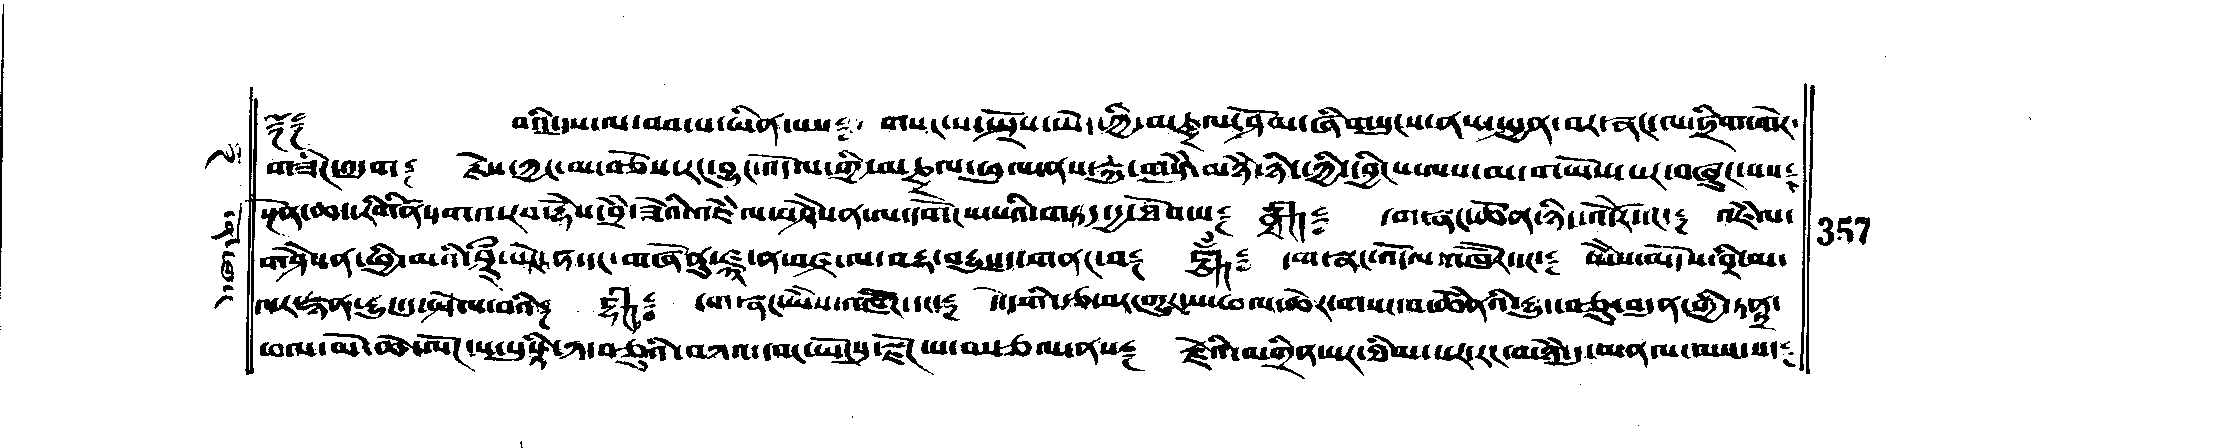བའི་དུས་ལ་བབ་པ་ཡིན་པས། གསང་བ་སྤྲོས་མེད་ཀྱི་མཎྜལ་ཤོམ་ཞིག་གསུངས་ནས་སྤྱན་བར་སྣང་ལ་ཧྲིག་གེར་
གཟིགས་འདུག རྗེས་ཀྱང་མ་བཅོས་རང་བྱུང་འོད་གསལ་གྱི་མཎྜལ་ཕུལ་ནས་སྐུ་གསུམ་མཉམ་ཉིད་ཀྱི་དབྱིངས་ལས་མ་གཡོས་པར་བཞུགས་པས།
སྔོན་ཆད་རིག་འཛིན་དགའ་རབ་རྡོ་རྗེས་བྲམ་ཟེའི་འཇམ་དཔལ་བཤེས་གཉེན་ལ་དགོངས་པའི་གཏད་རྒྱ་ཐོབ་པ། ༼་་་་༽ དག་སྣང་ཆོས་ཉིད་འོད་ཟེར་དང་། འཇམ་དཔལ་
གཤེས་གཉེན་ཕྱི་མས་ཤྲྀ་སེང་ཧ་དང་གཞོན་ནུ་ཛྙཱ་ན་བཛྲ་ལ་བརྡ་བརྒྱུད་དུ་གནང་བ། ༼་་་་༽ དག་སྣང་འོད་གསལ་འཁོར་ལོ་དང་། ཡེ་ཤེས་མདོས་བཱི་མ་
ལ་སྙན་རྒྱུད་དུ་སྤེལ་བའི། ༼་་་་་༽ དག་སྣང་ཡེ་ཤེས་འཁོར་ལོ་དང་། དེ་དག་གི་རྩ་བར་གྱུར་པ་ཕལ་ཆེར་གསང་བ་ཆེན་པོའི་རྒྱུད་བཅུ་བདུན་གྱི་ཏནྟྲ་
ཕལ་མོ་ཆེ་ལ་སོགས་པ་པུཔྟི་ཀ་བཅུའི་བཀའ་དབང་ཡོངས་སུ་རྫོགས་པ་བསྩལ་ནས། རྗེའི་མགྲིན་པར་ཐིམ་པར་དང་མཉམ་དུ་མནལ་ལས་སད།